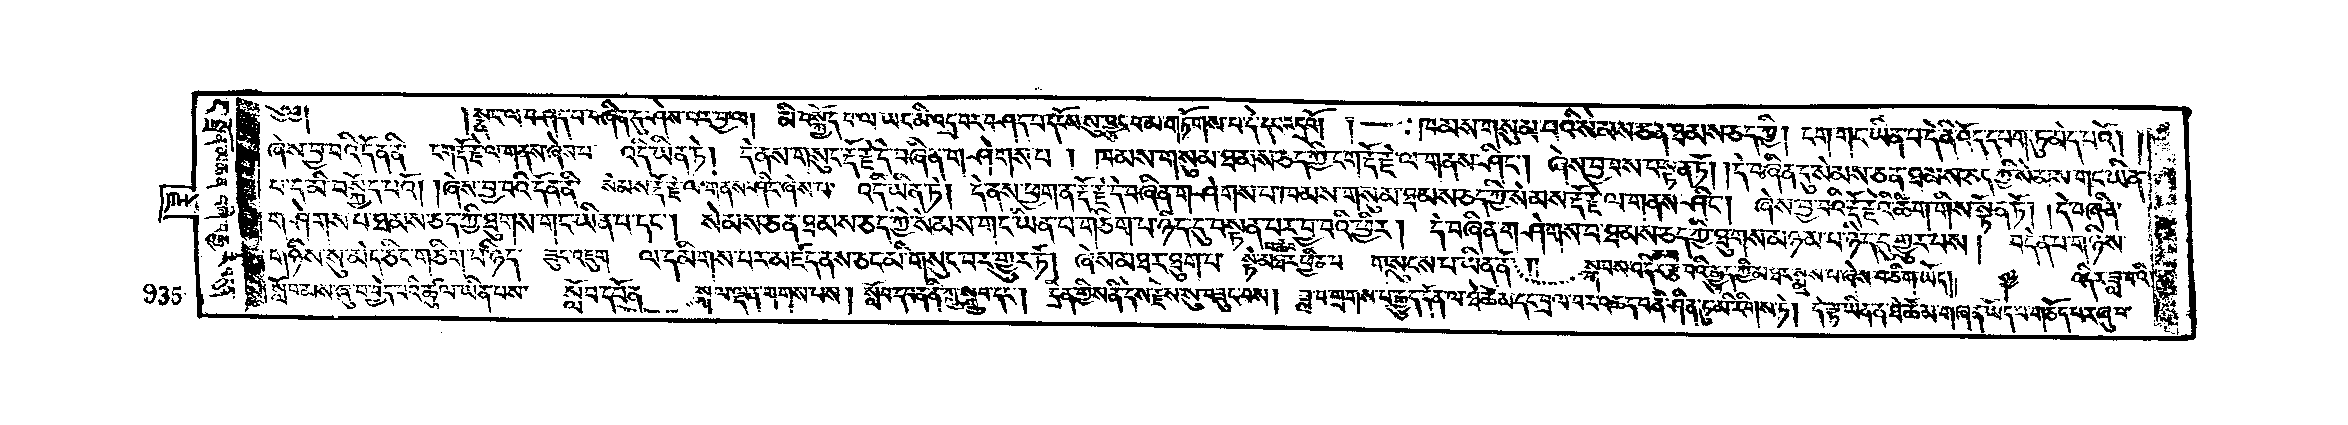༄༅། །སྣང་ལ་བཤད་པ་བཞིན་དུ་ཤེས་པར་བྱ་ལ། མི་བསྐྱོད་པ་ལ་ཡང་མི་འདྲ་བར་བཤད་པ་དངོས་སུ་བྱུང་བ་མ་གཏོགས་པ་དེ་དང་འདྲའོ། ། .H ཁམས་གསུམ་པའི་སེམས་ཅན་ཐམས་ཅད་ཀྱི། ངག་གང་ཡིན་པ་དེ་ནི་འོད་དཔག་ཏུ་མེད་པའོ། །
ཞེས་བྱ་བའི་དོན་ནི་ངག་རྡོ་རྗེ་ལ་གནས་ཞེས་པ་འདི་ཡིན་ཏེ། དེ་ནས་གསུང་རྡོ་རྗེ་དེ་བཞིན་གཤེགས་པ། ཁམས་གསུམ་ཐམས་ཅད་ཀྱི་ངག་རྡོ་རྗེ་ལ་གནས་ཤིང་། ཞེས་བྱ་བས་བསྟན་ཏོ། །དེ་བཞིན་དུ་སེམས་ཅན་ཐམས་ཅད་ཀྱི་སེམས་གང་ཡིན་
པ་དེ་མི་བསྐྱོད་པའོ། །ཞེས་བྱ་བའི་དོན་ནི་སེམས་རྡོ་རྗེ་ལ་གནས་ཤིང་ཞེས་པ་འདི་ཡིན་ཏེ། དེ་ནས་ཕྱག་ན་རྡོ་རྗེ་དེ་བཞིན་གཤེགས་པ་ཁམས་གསུམ་ཐམས་ཅད་ཀྱི་སེམས་རྡོ་རྗེ་ལ་གནས་ཤིང་། ཞེས་བྱ་བའི་རྡོ་རྗེའི་ཚིག་གིས་སྟོན་ཏོ། །དེ་བཞིན་
གཤེགས་པ་ཐམས་ཅད་ཀྱི་ཐུགས་གང་ཡིན་པ་དང་། སེམས་ཅན་ཐམས་ཅད་ཀྱི་སེམས་གང་ཡིན་པ་གཅིག་པ་ཉིད་དུ་བསྟན་པར་བྱ་བའི་ཕྱིར། དེ་བཞིན་གཤེགས་པ་ཐམས་ཅད་ཀྱི་ཐུགས་མཉམ་པ་ཉིད་དུ་གྱུར་པས། བདེན་པ་གཉིས་
གཉིས་སུ་མེད་ཅིང་གཅིག་པ་ཉིད་ཟུང་འཇུག་ལ་དམིགས་པར་མཛད་ནས་ཅང་མི་གསུང་བར་གྱུར་ཏོ། ཞེས་མཐར་ཐུག་པ་པ་ཚབ་སྟེ་མཐར་ཕྱིན་པ་གསུངས་པ་ཡིན་ནོ།། སྐབས་འདིར་ཆག་རྩ་བའི་རྒྱུད་ཀྱི་མཐར་སྨྲས་པ་ཞེས་པ་ཅིག་ཡོད།། ༈ འདིར་ཟླ་བའི་
སློབ་མས་ཞུ་བ་བྱེད་པའི་ཚུལ་ཡིན་པས་སློབ་དཔོན་སྐལ་ལྡན་གགས་པས། སློབ་དཔོན་ནི་ཀླུ་སྒྲུབ་དང་། དྲིན་གྱིས་ནི་དེས་རྗེས་སུ་བཟུང་བས། ཟླ་བ་གྲགས་པ་རྒྱུད་དོན་ལ་ཐེ་ཚོམ་དང་བྲལ་བར་འཆད་པ་ནི་ཤིན་ཏུ་མི་རིགས་ཏེ། དེ་ལྟ་ཡིན་ན་ཐེ་ཚོམ་གཞན་ཡོད་པ་གཅོད་པར་ཞུ་བ་